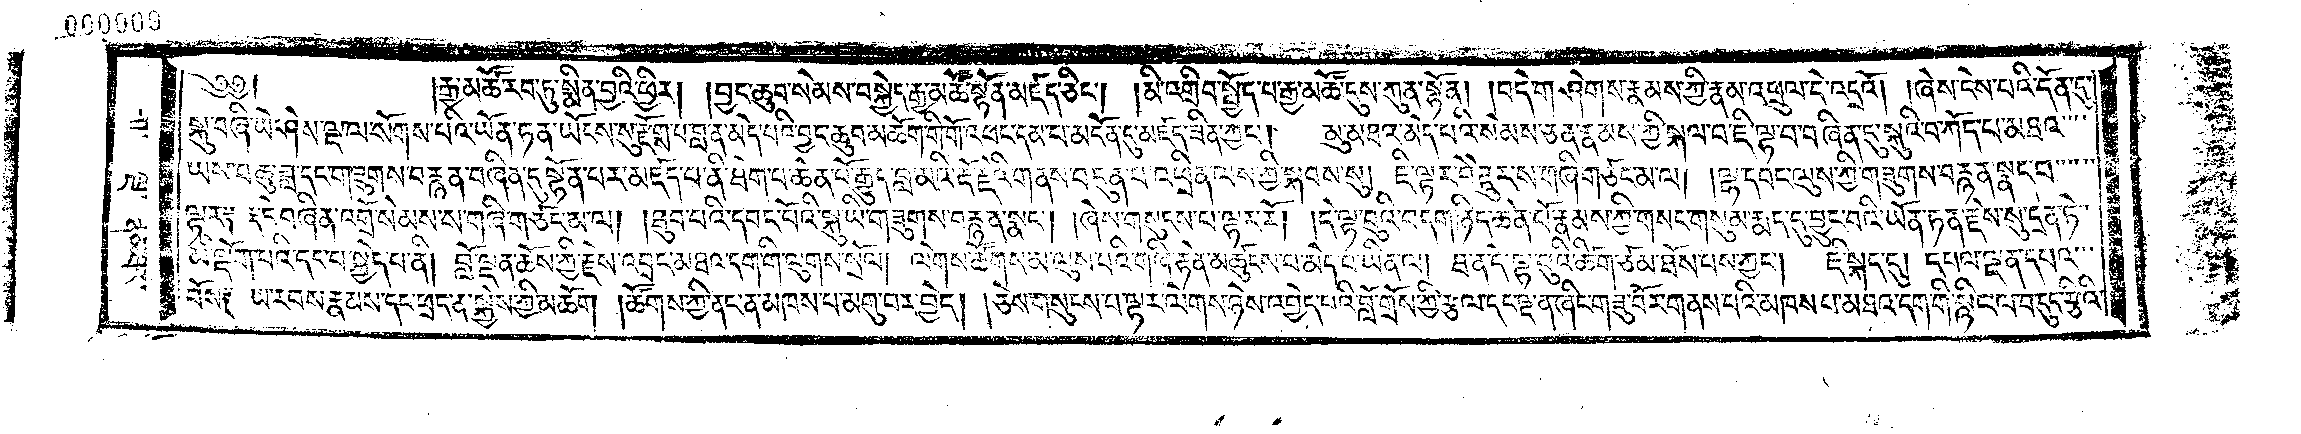༄༅། །རྒྱ་མཚོ་རབ་ཏུ་སྨིན་བྱའི་ཕྱིར། །བྱང་ཆུབ་སེམས་བསྐྱེད་རྒྱ་མཚོ་སྟོན་མཛད་ཅིང་། །མི་འགྲི་བ་སྤྱོད་པ་རྒྱ་མཚོ་དུས་ཀུན་སྟོན། །བདེ་གཤེགས་རྣམས་ཀྱི་རྣམ་འཕྲུལ་དེ་འདྲའོ། །ཞེས་ངེས་པའི་དོན་དུ་
སྐུ་བཞི་ཡེ་ཤེས་ལྔ་ལ་སོགས་པའི་ཡོན་ཏན་ཡོངས་སུ་རྫོགས་པ་བླ་ན་མེད་པའི་བྱང་ཆུབ་མཆོག་གི་གོ་འཕང་དམ་པ་མངོན་དུ་མཛད་ཟིན་ཀྱང་། མུ་མཐའ་མེད་པའི་སེམས་ཅན་རྣམས་ཀྱི་སྐལ་བ་ཇི་ལྟ་བ་བཞིན་དུ་སྐུའི་བཀོད་པ་མཐའ་
ཡས་པ་ཆུ་ཟླ་དར་གཟུགས་བརྙན་བཞིན་དུ་སྟོན་པར་མཛད་པ་ནི་ཐེག་པ་ཆེན་པོ་རྒྱུད་བླ་མའི་རྡོ་རྗེའི་གནས་བདུན་པ་འཕྲིན་ལས་ཀྱི་སྐབས་སུ། ཇི་ལྟར་བཻཌཱུར་ས་གཞི་གཙང་མ་ལ། །ལྷ་དབང་ལུས་ཀྱི་གཟུགས་བརྙན་སྣང་བ་
ལྟར། །དེ་བཞིན་འགྲོ་སེམས་ས་གཞི་གཙང་ན་ལ། །ཐུབ་བའི་དབང་པེའི་སྐུ་ཡི་གཟུགས་བརྙན་སྣང་། །ཞེས་གསུངས་པ་ལྟར་རོ། །དེ་ལྟ་བུའི་བདག་ཉིད་ཆེན་པོ་རྣམས་ཀྱི་གསང་གསུམ་རྨད་དུ་བྱུང་བའི་ཡོན་ཏན་རྗེས་སུ་དྲན་ཏེ་
མི་ལྡོག་པའི་དད་པ་སྐྱེད་པ་ནི། བློ་ལྡན་ཆོས་ཀྱི་རྗེས་འབྲང་མཐའ་དག་གི་ལུགས་སྲོལ། ལེགས་ཚོགས་མ་ལུས་པའི་གཞི་རྟེན་མཚུངས་པ་མེད་པ་ཡིན་ལ། ཐ་ན་དེ་ལྟ་བུའི་ཚིག་ཙམ་ཐོས་པས་ཀྱང་། ཇི་སྐད་དུ། དཔལ་ལྡན་དཔའ་
པོས༑ ཡ་རབས་རྣམས་དང་ཕྲད་ན་སྐྱེས་ཀྱི་མཆོག །ཚོགས་ཀྱི་ནང་ན་མཁས་པ་མགུ་བར་བྱེད། །ཅེས་གསུངས་པ་ལྟར་ལེགས་ཉེས་འབྱེད་པའི་བློ་གྲོས་ཀྱི་རྩལ་དང་ལྡན་ཞིང་གཟུ་བོར་གནས་པའི་མཁས་པ་མཐའ་དག་གི་སྙིང་ལ་བདུད་རྩིའི་